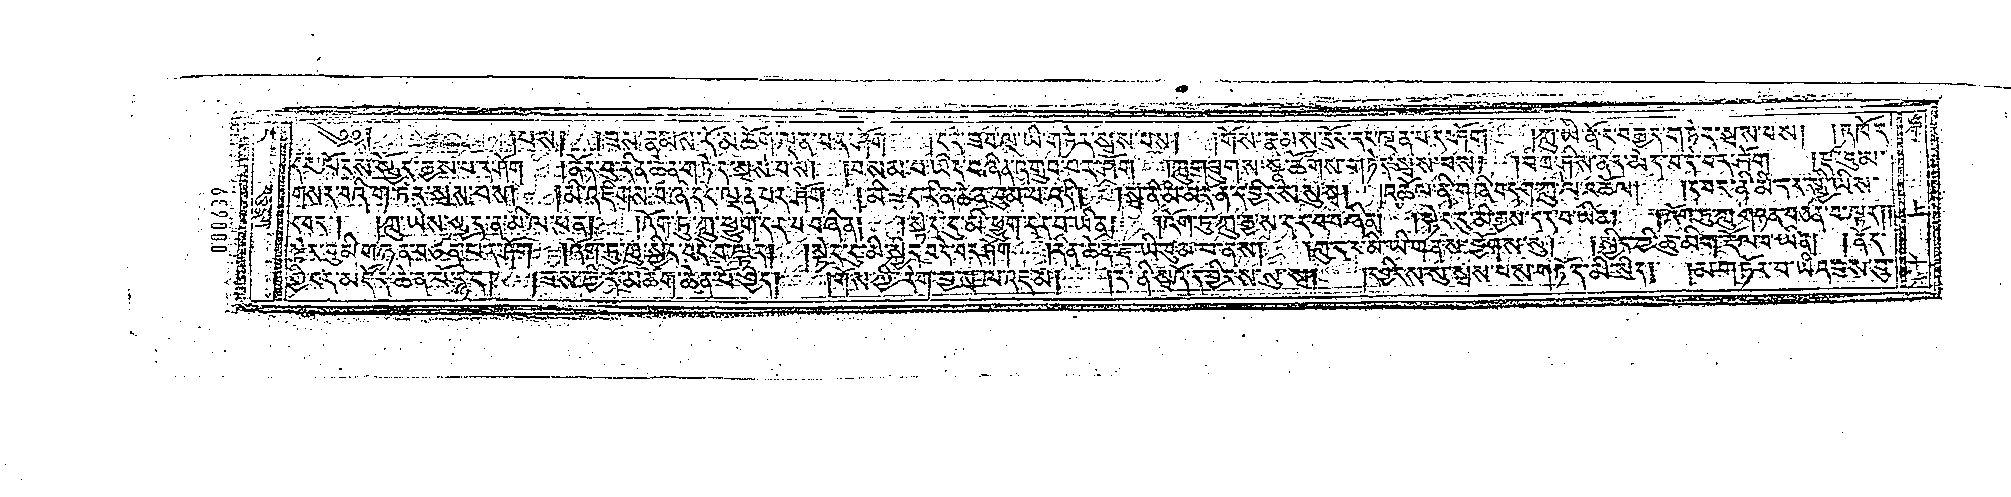ཡིས། །ཀླུ་རྣམས་ཆོས་དང་འཕྲད་པར་ཤོག །མི་རྣམས་དབུལ་ཕོངས་བྲལ་བར་ཤོག །སྦས་མཁན་རྣམས་ལ་དངོས་གྲུབ་སྩོལ། །ཀླུ་ཡི་གདུག་རྩུབ་བཞི་བར་མཛོད། །གཉན་གྱི་བྱང་ཐག་བཅད་དུ་
གསོལ། །ས་བདག་གདུག་པ་བཤིག་ཏུ་གསོལ། །ཀོ་ལོད་མ་སྡང་ཞི་བར་མཛོད། །ཡུལ་ཕྱོགས་ཀུ་དུ་དཔལ་འབར་ཞིང་། །དགེ་ལེགས་རྒྱུན་མི་འཆ་པ་དང་། །དཀར་ཕྱོགས་སྐྱོང་བའི་ལྷ་ཀླུ་
རྣམས། །རྟག་ཏུ་བརྩེ་བས་སྐྱོང་གྱུར་ཅིག །བརྟན་བཞུགས་བྱ་བ་ནི། འདིར་ནི་རྟེན་དང་ལྷན་ཅིག་ཏུ། །྾་སྩལ་དུ་གསོལ། །བཅོམ་ལྡན་འདས་ཀླུའི་དབང་ཕྱུག་རྒྱལ་པོ་འཁོར་དང་བཅས་པས་རྟེན་འདི་ལ་
བཏན་པར་བཞུགས་ནས། སྦྱིན་བདག་འཁོར་དང་བཅས་པའི་ནང་གདོན་སྡིག་སྒྲིབ་སོགས་མི་མཐུན་པའི་ཕྱོགས་ཐམས་ཅད་ཉེ་བར་ཞི་ཞིང་། ཚེ་བསོད་དཔལ་འབྱོར་སོགས་ཆོས་སྲིད་ཀྱི་ལེགས་ཚོགས་
ཐམས་ཅད་འཕེལ་བ་དང་། བཀྲ་ཤིས་ཀྱི་དགེ་མཚན་རྒྱ་ཆེན་པོ་མྱུན་མི་འཆད་དུ་འབྱུང་བར་བྱིན་གྱིས་བརླབ་ཏུ་གསོལ། །ཀླུའི་རྒྱལ་པོ་འཁོར་དང་བཅས་པ་རྣམས་ཀྱང་རྟེན་འདི་ལ་བརྟན་པར་བཞུགས་
ནས། །འཇིག་རྟེན་གྱི་ཁམས་སྤྱི་དང་ཁྱད་པར་ཡུལ་ཕྱོགས་འདི་རྣམས་སུ་ནང་འཁྲུག་མུ་ཏེ་ལོ་ཉེས་དུས་མ་ཡིན་པའི་ལྲུང་དང་ཁ་ཆས་སད་དང་སེར་བ་ཐོག་དང་གློགས་གཡོ་བ་ལ་སོགས་པའི་འཇིགས་པ་